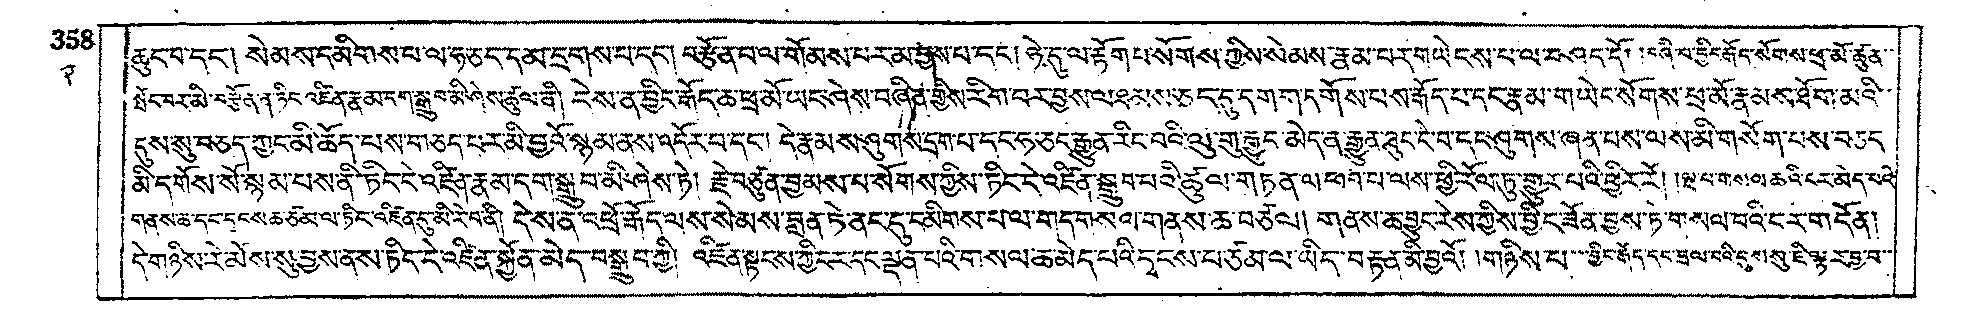ཆུང་བ་དང་། སེམས་དམིགས་པ་ལ་ཧ་ཅང་དམ་དྲགས་པ་དང་། བརྩོན་པ་ལ་གོམས་པར་མ་བྱས་པ་དང་། ཉེ་དུ་ལ་རྟོག་པ་སོགས་ཀྱིས་སེམས་རྣམ་པར་གཡེངས་པ་ལ་བཤད་དོ། །བཞི་པ་བྱིང་རྒོད་སོགས་ཕྲ་མོ་ཚུན་
སྤོང་བར་མི་བརྩོན་ན་ཏིང་འཛིན་རྣམ་དག་སྒྲུབ་མི་ཤེས་ཚུལ་ནི།  ངེས་ན་བྱིང་རྒོད་ཆ་ཕྲ་མོ་ཡང་ཤེས་བཞིན་གྱིས་རིག་པར་བྱས་ལ་ཐམས་ཅད་དུ་དགག་དགོས་པས་རྒོད་པ་དང་རྣམ་གཡེང་སོགས་ཕྲ་མོ་རྣམས་ཐོག་མའི་
དུས་སུ་བཅད་ཀྱང་མི་ཆོད་པས་གཅད་པར་མི་བྱའོ་སྙམ་ནས་འདོར་བ་དང་། དེ་རྣམས་ཤུགས་དྲག་པ་དང་ཧ་ཅང་རྒྱུན་རིང་བའི་ལུ་གུ་རྒྱུད་མེད་ན་རྒྱུན་ཐུང་ངེ་བ་དང་ཤུགས་ཞན་པས་ལས་མི་གསོག་པས་བཅད་
མི་དགོས་སོ་སྙམ་པས་ནི་ཏིང་ངེ་འཛིན་རྣམ་དག་སྒྲུབ་མི་ཤེས་ཏེ། རྗེ་བཙུན་བྱམས་པ་སོགས་ཀྱིས་ཏིང་ངེ་འཛིན་སྒྲུབ་པའི་ཚུལ་གཏན་ལ་ཕབ་པ་ལས་ཕྱི་རོལ་ཏུ་གྱུར་པའི་ཕྱིར་རོ། །ལྔ་པ་གསལ་ཆའི་ངར་མེད་པའི་
གནས་ཆ་དང་དྭངས་ཆ་ཙམ་ལ་ཏིང་འཛིན་དུ་མི་རེ་བ་ནི།  དེས་ན་འཕྲོ་རྒོད་ལས་སེམས་བླན་ཏེ་ནང་དུ་དམིགས་པ་ལ་གདགས་ལ་གནས་ཆ་བཙལ། གནས་ཆ་བྱུང་རེས་ཀྱིས་བྱིང་ཟོན་བྱས་ཏེ་གསལ་བའི་ངར་གདོན།
དེ་གཉིས་རེ་མོས་སུ་བྱས་ནས་ཏིང་ངེ་འཛིན་སྐྱོན་མེད་བསྒྲུབ་ཀྱི། འཛིན་སྟངས་ཀྱི་ངར་དང་ལྡན་པའི་གསལ་ཆ་མེད་པའི་དྭངས་པ་ཙམ་ལ་ཡིད་བརྟན་མི་བྱའོ། །གཉིས་པ་བྱིང་རྒོད་དང་བྲལ་བའི་དུས་སུ་ཇི་ལྟར་བྱ་བ་